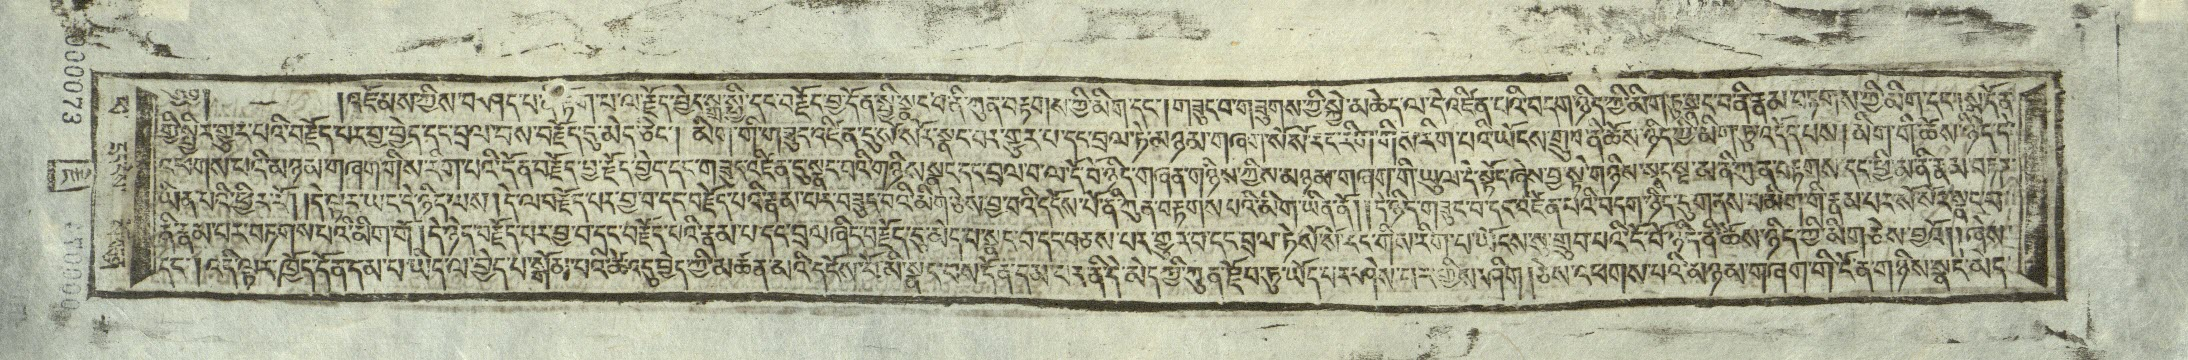༄༅། །འཇོམས་ཀྱིས་བཤད་པ་ནི་རྟོག་པ་ལ་རྗོད་བྱེད་སྒྲ་སྤྱི་དང་བརྗོད་བྱ་དོན་སྤྱི་སྣང་བ་ནི་ཀུན་བརྟགས་ཀྱི་མིག་དང་། གཟུང་བ་གཟུགས་ཀྱི་སྐྱེ་མཆེད་ལ་དེ་འཛིན་པའི་བདག་ཉིད་ཀྱི་མིག་ཏུ་སྣང་བ་ནི་རྣམ་བཏགས་ཀྱི་མིག་དང་། སྒྲ་དོན་
གྱི་སྤྱིར་གྱུར་བའི་བརྗོད་པར་བྱ་བྱེད་དང་བྲལ་བས་བརྗོད་དུ་མེད་ཅིང་། མིག་གི་གཟུང་འཛིན་དུ་སོ་སོར་སྣང་བར་གྱུར་པ་དང་བྲལ་ཏེ་མཉམ་གཞག་སོ་སོ་རང་རིག་གིས་རིག་པའི་ཡོངས་གྲུབ་ནི་ཆོས་ཉིད་ཀྱི་མིག་ཏུ་འདོད་པས། མིག་གི་ཆོས་ཉིད་དེ་
འཕགས་པའི་མཉམ་གཞག་གིས་རིག་པའི་དོན་བརྗོད་བྱ་རྗོད་བྱེད་དང་གཟུང་འཛིན་དུ་སྣང་བའི་གཉིས་སྣང་དང་བྲལ་བ་ལ་ངོ་བོ་ཉིད་གཞན་གཉིས་ཀྱེས་མཉམ་གཞག་གི་ཡུལ་དེ་སྟོང་ཞེས་བྱ་སྟེ་གཉིས་སྣང་སྔ་མ་ནི་ཀུན་བརྟགས་དང་ཕྱི་མ་ནི་རྣམ་བཏགས་
ཡིན་པའི་ཕྱིར་རོ། །དེ་ལྟར་ཡང་དེ་ཉིད་ལས། དེ་ལ་བརྗོད་པར་བྱ་བ་དང་བརྗོད་པའི་རྣམ་པར་བཟུང་བའི་མིག་ཅེས་བྱ་བའི་དངོས་པོ་ནི་ཀུན་བརྟགས་པའི་མིག་ཡིན་ནོ། །དེ་ཉིད་གཟུང་བ་དང་འཛིན་པའི་བདག་ཉིད་དུ་གནས་པ་མིག་གི་རྣམ་པར་སོ་སོར་སྣང་བ་
ནི་རྣམ་པར་བཏགས་པའི་མིག་གོ། དེ་ཉིད་བརྗོད་པར་བྱ་བ་དང་བརྗོད་པའི་རྣམ་བ་དང་བྲལ་ཞིང་བརྗོད་དུ་མེད་པ་སྣང་བ་དང་བཅས་པར་གྱུར་པ་དང་བྲལ་ཏེ་སོ་སོ་རང་གིས་རིག་པ་ཡོངས་སུ་གྲུབ་པའི་ངོ་བོ་ཉིད་ནི་ཆོས་ཉིད་ཀྱི་མིག་ཅེས་བྱའོ། །ཞེས་
དང་། འདི་ལྟར་ཁྱོད་དོན་དམ་པ་ཡིད་ལ་བྱེད་བ་སྒོམ་པའི་ཚེ་འདུ་བྱེད་ཀྱི་མཚན་མའི་དངོས་པོ་མི་སྣང་བས་དོན་དམ་པར་ནི་དྲེ་མེད་ཀྱི་ཀུན་རྫོབ་ཏུ་ཡོད་པར་ཤེས་པར་གྱིས་ཤིག །ཅེས་འཕགས་པའི་མཉམ་གཞག་གི་དོན་གཉིས་སྣང་མེད་